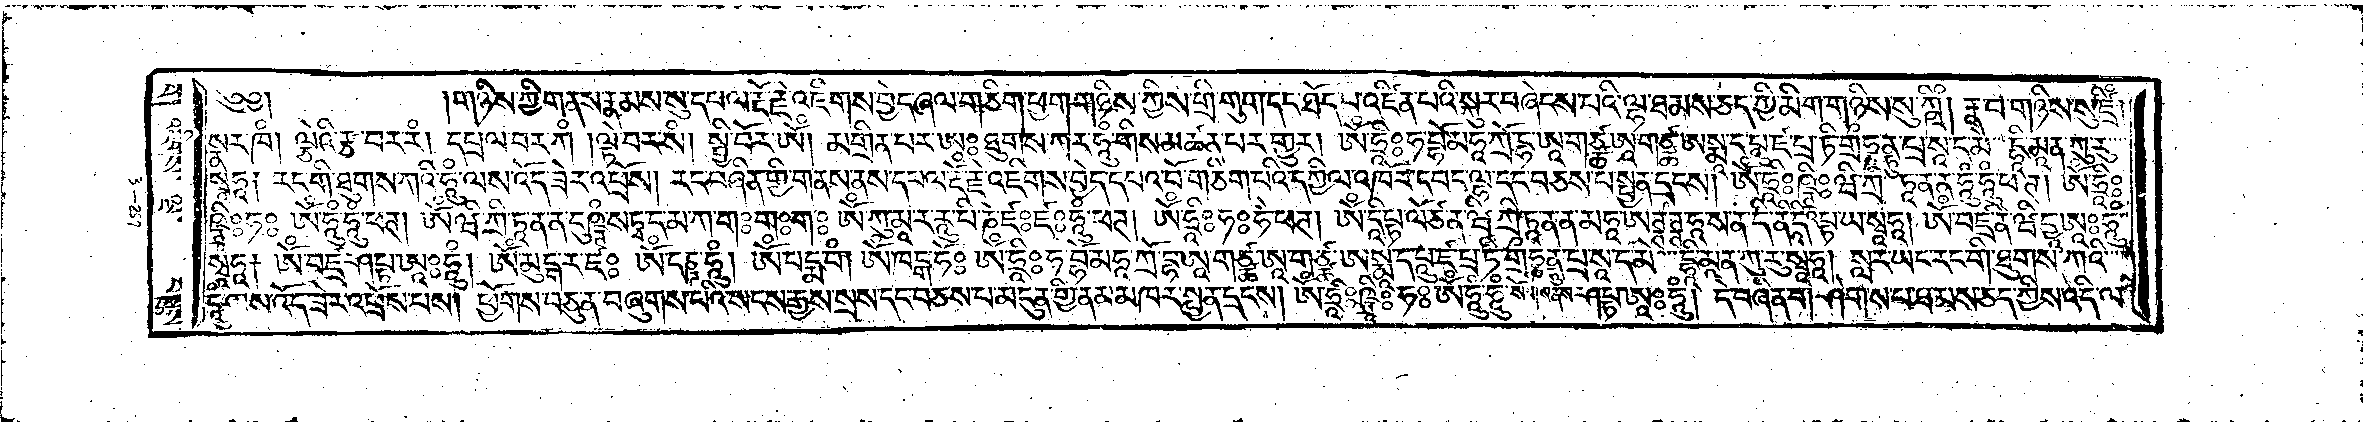༄༅། །གཉིས་ཀྱི་གནས་རྣམས་སུ་དཔལ་རྡོ་རྗེ་འཇིགས་བྱེད་ཞལ་གཅིག་ཕྱག་གཉིས་ཀྱིས་གྲི་གུག་དང་ཐོད་པ་འཛིན་པའི་སྐུར་བཞེངས་པའི་ལྷ་ཐམས་ཅད་ཀྱི་མིག་གཉིས་སུ་ཀྵྲིཾ། རྣ་བ་གཉིས་སུ་ཛྲིཾ།
སྣར་ཁཾ། ལྕེའི་རྩ་བར་རཾ། དཔྲལ་བར་ཀཾ། ལྟེ་བར་སཾ། སྤྱི་བོར་ཨོཾ། མགྲིན་པར་ཨཱཿ ཐུགས་ཀར་ཧཱུཾ་གིས་མཚན་པར་གྱུར། ཨོཾ་ཧྲཱིཿཧ་བྷོ་མཧཱ་ཀྲོ་དྷ་ཨཱ་གཙྪ་ཨཱ་གཙྪ་ཨསྨཱ་དུ་པུ་ཛ་པྲ་ཏི་གྲཾ་ཏྵ་ནྟུ་པྲ་སཱ་ད་མ་དྷཱི་མཱ་ན་ཀུ་རུ་
སྭཱཧཱ། རང་གི་ཐུགས་ཀའི་ཧཱུཾ་ལས་འོད་ཟེར་འྤྲོས། རང་བཞིན་གྱི་གནས་ནས་དཔལ་རྡོ་རྗེ་འཇིགས་བྱེད་དཔའ་བོ་གཅིག་པའི་དཀྱིལ་འཁོར་དབང་ལྷ་དང་བཅས་བ་སྤྱན་དྲངས། ཨོཾ་ཧྲཱིཿཥྚྲཱིཿཝི་ཀྲི་ཏཱ་ན་ཧཱུཾ་ཧཱུཾ་ཕཌ། ཨོཾ་ཧྲཱིཿ
ཥྚྲཱིཿཧཿ ཨོཾ་ཧཱུཾ་ཧཱུཾ་ཕཌ། ཨོཾ་ཝི་ཀྲི་ཏཱ་ན་ན་དུ་ཥྚཾ་སཏྭ་ད་མ་ཀ་གཿ གཿགཿཨོཾ་ཀུ་མ་ར་རཱུ་པི་ཎེ་ཛཿཛཿཧཱུཾ་ཕཌ། ཨོཾ་ཧྲཱིཿཧཿཧཻ་ཕཌ། ཨོཾ་དཱི་པྟ་ལོ་ཙ་ན་ཝི་ཀྲི་ཏཱ་ནན་མཧཱ་ཨཊྚཊྚ་ཧཱ་ས་ན་དི་ནི་དཱི་པྟ་ཡ་སྭཱ་ཧཱ། ཨོཾ་བཛྲ་ན་ཝིདྱ་ཨཱཿཧཱུཾ་
སྭཱཧཱ། ཨོཾ་བཛྲ་ཤཔྟ་ཨཱཿཧཱུཾ། ཨོཾ་མུངྒ་ར་ཛཿཨོཾ་དཎྚ་ཧཱུཾ། ཨོཾ་པདམ་བཾ། ཨོཾ་ཁངྒ་ཧོཿ ཨོཾ་ཧྲཱིཿཧ་བྷོ་མཧཱ་ཀྲོ་དྷ་ཨཱ་གཙྪ་ཨཱ་གཙྪ་ཨ་སྨད་པཱུ་ཛ་པྲ་ཏི་གྲྀ་ཧྞ་ནཱུ་པྲ་སཱ་ད་མི་དྷཱི་མཱ་ན་ཀུ་རུ་སྭཱཧཱ། སླར་ཡང་རང་གི་ཐུགས་ཀའི་
ཧཱུཾ་ལས་འོད་ཟེར་འཕྲོས་པས། ཕྱོགས་བཅུ་ན་བཞུགས་པའི་སངས་རྒྱས་སྲས་དང་བཅས་པ་མདུན་གྱི་ནམ་མཁར་སྤྱན་དྲངས། ཨོཾ་ཧྲཱིཿཥྚྲཱིཿཧཿ ཨོཾ་ཧཱུཾ་ཧཱུཾ་སོ། སོགས་ནས་ཤཔྟ་ཨཱཿཧཱུཾ། དེ་བཞིན་གཤེགས་པ་ཐམས་ཅད་ཀྱིས་འདི་ལ་